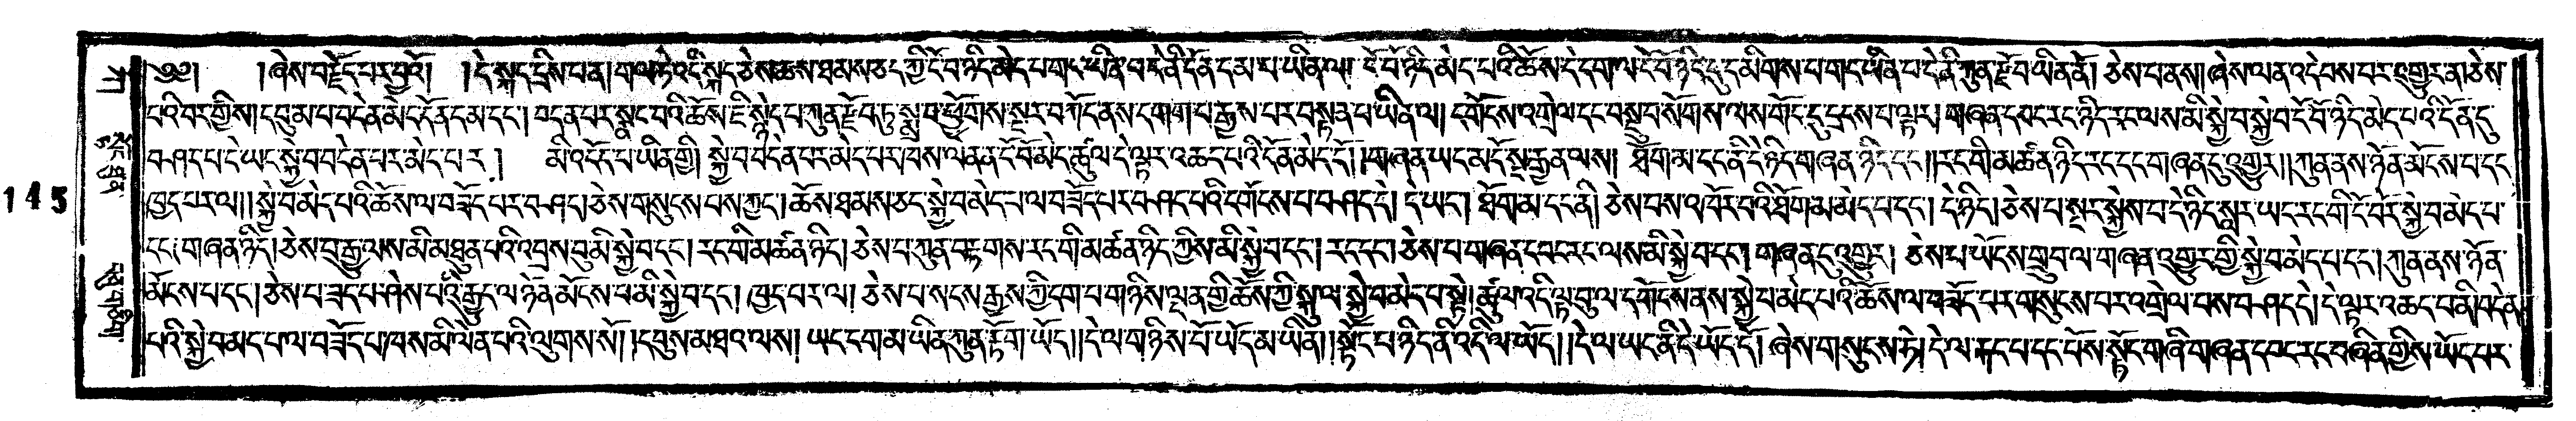༄༅། །ཞེས་བརྗོད་པར་བྱའོ། །དེ་སྐད་དྲིས་པ་ན། གལ་ཏེ་འདི་སྐད་ཅེས་ཆས་ཐམས་ཅད་ཀྱི་ངོ་བོ་ཉིད་མེད་པ་གང་ཡིན་པ་དེ་ནི་དོན་དམ་པ་ཡིན་ལ། ངོ་བོ་ཉིད་མེད་པའི་ཆོས་དེ་དག་ལ་ངོ་བོ་ཉིད་དུ་དམིགས་པ་གང་ཡིན་པ་དེ་ནི་ཀུན་རྫོབ་ཡིན་ནོ། ཅེས་པ་ནས། ཞེས་ལན་འདེབས་པར་འགྱུར་ན། ཅེས་
པའི་བར་གྱིས། དབུ་མ་པ་བདེན་མེད་དོན་དམ་དང་། བདན་པར་སྣང་བའི་ཆོས་ཇི་སྙེད་པ་ཀུན་རྫོབ་ཏུ་སྨྲ་བ་ཕྱོགས་སྔར་བཀོད་ནས་དགག་པ་རྒྱས་པར་བསྟན་པ་ཡིན་ལ། དགོངས་འགྲེལ་དང་བསྡུ་བ་སོགས་ལས་གོང་དུ་དྲངས་པ་ལྟར། གཞན་དབང་རང་ཉིད་རང་ལས་མི་སྐྱེ་བ་སྐྱེ་བ་ངོ་བོ་ཉིད་མེད་པའི་དོན་དུ་
བཤད་པ་དེ་ཡང་སྐྱེ་བ་བདེན་པར་མེད་པར། མི་འདོད་པ་ཡིན་གྱི། སྐྱེ་བ་བདེན་པར་མེད་པར་ཁས་ལེན་ན་ངོ་བོ་མེད་ཚུལ་དེ་ལྟར་འཆད་པའི་དོན་མེད་དོ། །གཞན་ཡང་མདོ་སྔ་རྒྱན་ལས། ཐོག་མ་དང་ནི་དེ་ཉིད་གཞན་ཉིད་དང་། །རང་གི་མཚན་ཉིད་རང་དང་གཞན་དུ་འགྱུར། །ཀུན་ནས་ཉོན་མོངས་པ་དང་
ཁྱད་པར་ལ། །སྐྱེ་བ་མེད་པའི་ཆོས་ལ་བཟོད་པར་བཤད། ཅེས་གསུངས་པས་ཀྱང་། ཆོས་ཐམས་ཅད་སྐྱེ་བ་མེད་པ་ལ་བཟོད་པར་བཤད་པའི་དགོངས་པ་བཤད་དེ། དེ་ཡང་། ཐོག་མ་དང་ནི། ཅེས་པས་འཁོར་བའི་ཐོག་མ་མེད་པ་དང་། དེ་ཉིད། ཅེས་པ་སྔར་སྐྱེས་པ་དེ་ཉིད་སླར་ཡང་རང་གི་ངོ་བོར་སྐྱེ་བ་མེད་པ་
དང༑ གཞན་ཉིད། ཅེས་བ་རྒྱུ་ལས་མི་མཐུན་པའི་འབྲས་བུ་མི་སྐྱེ་བ་དང་། རང་གི་མཚན་ཉིད། ཅེས་པ་ཀུན་ང་རྟགས་རང་གི་མཚན་ཉིད་ཀྱིས་མི་སྐྱེ་བ་དང་། རང་དང་། ཅེས་པ་གཞན་དབང་རང་ལས་མི་སྐྱེ་བ་དང་། གཞན་དུ་འགྱུར། ཅེས་པ་ཡོངས་གྲུབ་ལ་གཞན་འགྱུར་གྱི་སྐྱེ་བ་མེད་པ་དང་། ཀུན་ནས་ཉོན་
མོངས་པ་དང་། ཅེས་པ་ཟད་པ་ཤེས་པའི་རྒྱུད་ལ་ཉོན་མོངས་པ་མི་སྐྱེ་བ་དང་། ཁྱད་པར་ལ། ཅེས་པ་སངས་རྒྱས་ཀྱི་དག་པ་གཉིས་ལྡན་གྱི་ཆོས་ཀྱི་སྐུ་ལ་སྐྱེ་བ་མེད་པ་སྟེ། ཚུལ་འདི་ལྟ་བུ་ལ་དགོངས་ནས་སྐྱེ་བ་མེད་པའི་ཆོས་ལ་བཟོད་པར་གསུངས་པར་འགྲེལ་བས་བཤད་དེ། དེ་ལྟར་འཆད་པ་ནི། བདེན་
པའི་སྐྱེ་བ་མེད་པ་ལ་བཟོད་པ་ཁས་མི་ལེན་པའི་ལུགས་སོ། །དབུས་མཐའ་ལས། ཡང་དག་མ་ཡིན་ཀུན་རྟོག་ཡོད། །དེ་ལ་གཉིས་པོ་ཡོད་མ་ཡིན། །སྟོང་པ་ཉིད་ནི་འདི་ལ་ཡོད། །དེ་ལ་ཡང་ནི་དེ་ཡོད་དོ། ཞེས་གསུངས་ཏེ། དེ་ལ་རྐང་པ་དང་པོས་སྟོང་གཞི་གཞན་དབང་རང་བཞིན་གྱིས་ཡོད་པར་